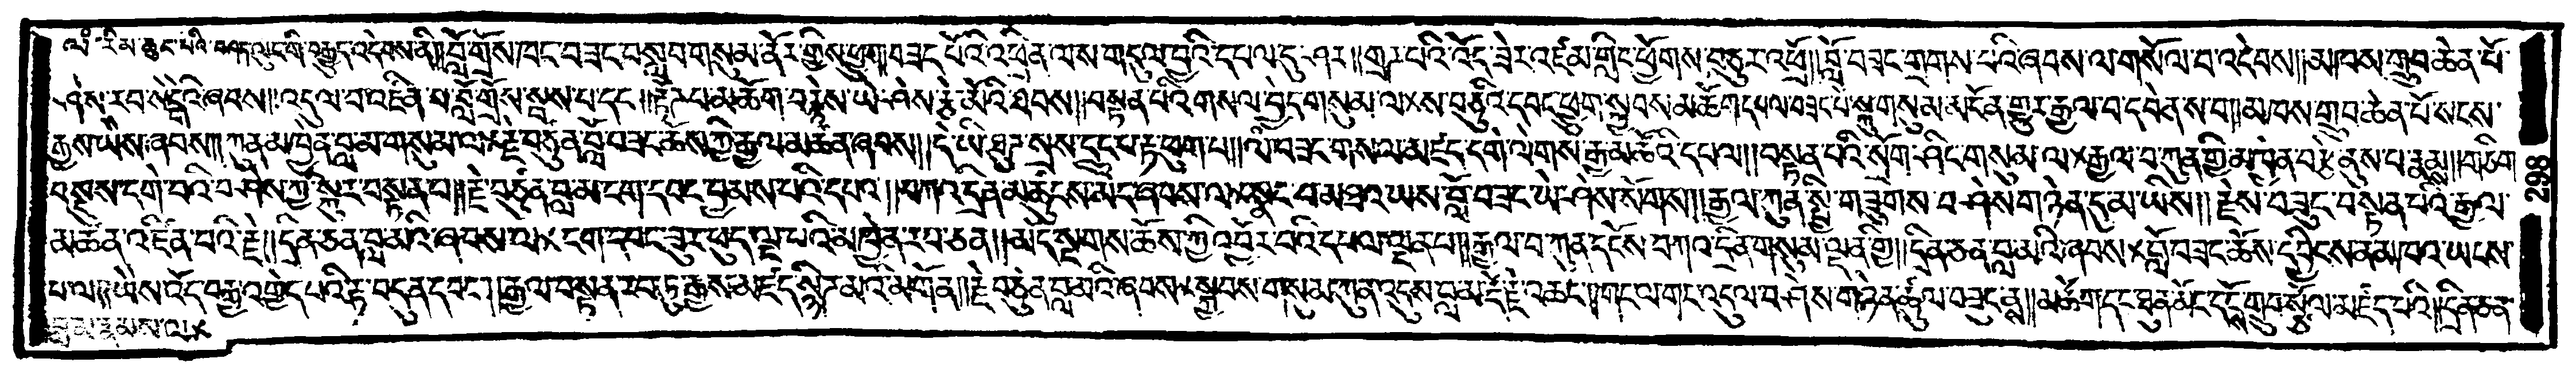ལཾ་རིམ་ཆུང་པའི་བཤད་ལུང་གི་བརྒྱུད་འདེབས་ནི། །བློ་གྲོས་ཁང་བཟང་བསླབ་གསུམ་ནོར་གྱིས་ཕྱུག །བཟང་པོའི་འཕྲིན་ལས་གདུལ་བྱའི་དཔལ་དུ་ཤར། །གྲགས་པའི་འོད་ཟེར་འཛམ་གླིང་ཕྱོགས་བཅུར་འཕྲོ། །བློ་བཟང་གྲགས་པའི་ཞབས་ལ་གསོལ་བ་འདེབས། །མཁས་གྲུབ་ཆེན་པོ་
ཤེས་རབ་སེངྒེའི་ཞབས། །འདུལ་བ་འཛིན་པ་བློ་གྲོས་སྦས་པ་དང་། །རྟོགས་པ་མཆོག་བརྙེས་ཡེ་ཤེས་རྩེ་མོའི་ཐབས། །བསྟན་པའི་གསལ་བྱེད་གསུམ་ལ་{྾}་ས་བཅུའི་དབང་ཕྱུག་སྐྱབས་མཆོག་དཔལ་བཟང་པོ་སྐུ་གསུམ་མངོན་གྱུར་རྒྱལ་བ་དབེན་ས་བ། །མཁས་གྲུབ་ཆེན་པོ་སངས་
རྒྱས་ཡཻས་ཞབས། །ཀུན་མཁྱེན་བླ་མ་གསུམ་ལ་{྾}་རྗེ་བཙུན་བློ་བཟང་ཆོས་ཀྱི་རྒྱལ་མཚན་ཞབས། །དེ་ཡི་ཐུགས་སྲས་དྲུང་པ་རྟ་ཕུག་པ། །ལཾ་བཟང་གསལ་མཛད་དགེ་ལེགས་རྒྱ་མཚོའི་དཔལ། །བསྟན་པའི་སྲོག་ཤིང་གསུམ་ལ་{྾}་རྒྱལ་བ་ཀུན་གྱི་མཁྱེན་བརྩེ་ནུས་པ་རྣམས། །གཅིག་
བསྡུས་དགེ་བའི་བཤེས་ཀྱི་སྐུར་བསྟན་པ། །རྗེ་བཙུན་བླ་མ་ངག་དབང་བྱམས་པའི་དཔའ། །བཀའ་དྲིན་མཚུངས་མེད་ཞབས་ལ་{྾}་སྣང་བ་མཐའ་ཡས་བློ་བཟང་ཡེ་ཤེས་སོགས། །རྒྱལ་ཀུན་སྤྱི་གཟུགས་བཤེས་གཉེན་དུ་མ་ཡིས། །རྗེས་བཟུང་བསྟན་པའི་རྒྱལ་
མཚན་འཛིན་པའི་རྗེ། །དྲིན་ཅན་བླ་མའི་ཞབས་ལ་{྾}་ངག་དབང་ཟུར་ཕུད་ལྔ་པའི་མཁྱེན་རབ་ཅན། །མདོ་སྔགས་ཆོས་ཀྱི་འབྱོར་བའི་དཔལ་ལྡན་པ། །རྒྱལ་བ་ཀུན་དངོས་བཀའ་དྲིན་གསུམ་ལྡན་གྱི། །དྲིན་ཅན་བླ་མའི་ཞབས་{྾}་བློ་བཟང་ཆོས་དབྱིངས་ནམ་མཁའ་ཡངས་
པ་ལ། །ཡཻས་འོད་བརྒྱ་འགྱེད་པའི་རྟ་བདུན་དབང་། །རྒྱལ་བསྟན་རབ་ཏུ་རྒྱས་མཛད་སྙིགས་མའི་མགོན། །རྗེ་བཙུན་བླ་མའི་ཞབས་{྾}་སྐྱབས་གསུམ་ཀུན་འདུས་བླ་མ་རྡོ་རྗེ་འཆང་། །གང་ལ་གང་འདུལ་བཤེས་གཉེན་ཚུལ་བཟུང་ནས། །མཆོག་དང་ཐུན་མོང་དངོས་གྲུབ་སྩོལ་མཛད་པའི། །དྲིན་ཅན་
བླ་མ་རྣམས་ལ་{྾}